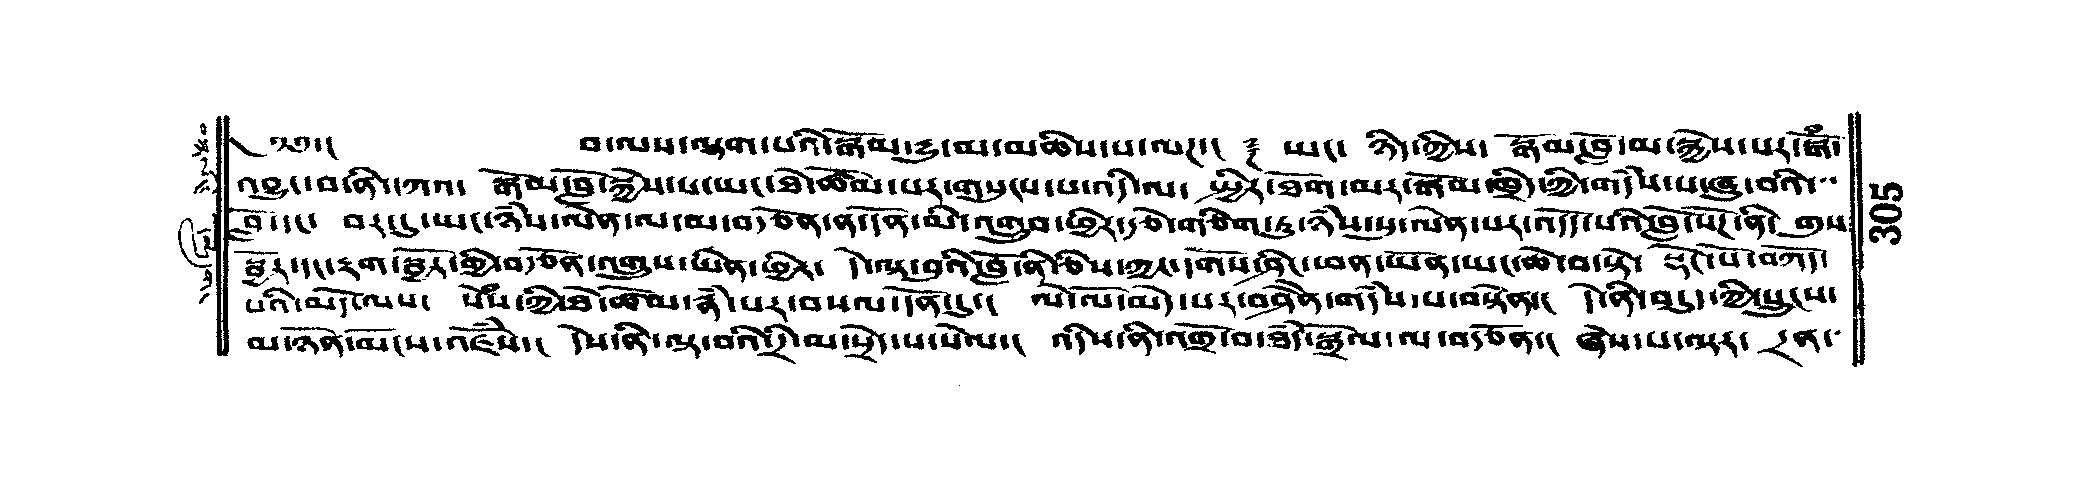བ་ལས་ལྷག་པའི་སྒོམ་རྒྱུ་མ་མཆིས་པ་ལགས། ༈ ཡང་ཉིད་ཀྱིས། སྒོམ་བློ་མ་སྐྱེས་པར་སྒོམ་
འབྱུང་བ་ནི་དཀའ། སྒོམ་བློ་སྐྱེས་པ་ཡང་ཐེ་ཚོམ་པར་གསུངས་པ་འདི་ལ། སྤྱིར་ཐོག་མར་སྒོམ་ཁྲིད་ཀྱི་གདམས་པ་ཞུ་བའི་
བློ་དང་། བར་དུ་ཉམས་ལེན་ལ་མ་བརྩོན་ན་དོན་མི་འགྲུབ་ཕྱིར་རྩེ་གཅིག་ཏུ་ཉམས་སུ་ལེན་པར་འདོད་པའི་བློ་སོགས་ནི། གུས་
སྦྱོར་དང་རྟག་སྦྱོར་གྱི་བརྩོན་འགྲུས་ཡིན་ཕྱིར། དེ་ལྟ་བུའི་བློ་ནི་ཅིས་ཀྱང་དགོས་ཤིང་ཕན་ཡོན་ཡང་ཆེ་བ་སྟེ། སྡོང་པོ་བཀོད་
པའི་མདོ་ལས། སེམས་ཀྱི་ཐེ་ཚོམ་རྣམ་པར་བསལ་དོན་དུ། །ལེ་ལོ་མེད་པར་བཤེས་གཉེན་གདམས་པ་བསྟེན། །དེ་ནི་བདུད་ཀྱི་སྲུང་
མ་ཉོན་མོངས་འཇོམས། །དེས་ནི་ལྟ་བའི་དྲི་མ་སྲེད་པ་སེལ། །འདིས་ནི་འགྲོ་བ་ཐམས་ཅད་སྒྲོལ་ལ་བརྩོན། ཞེས་པ་ལྟར། དྲན་